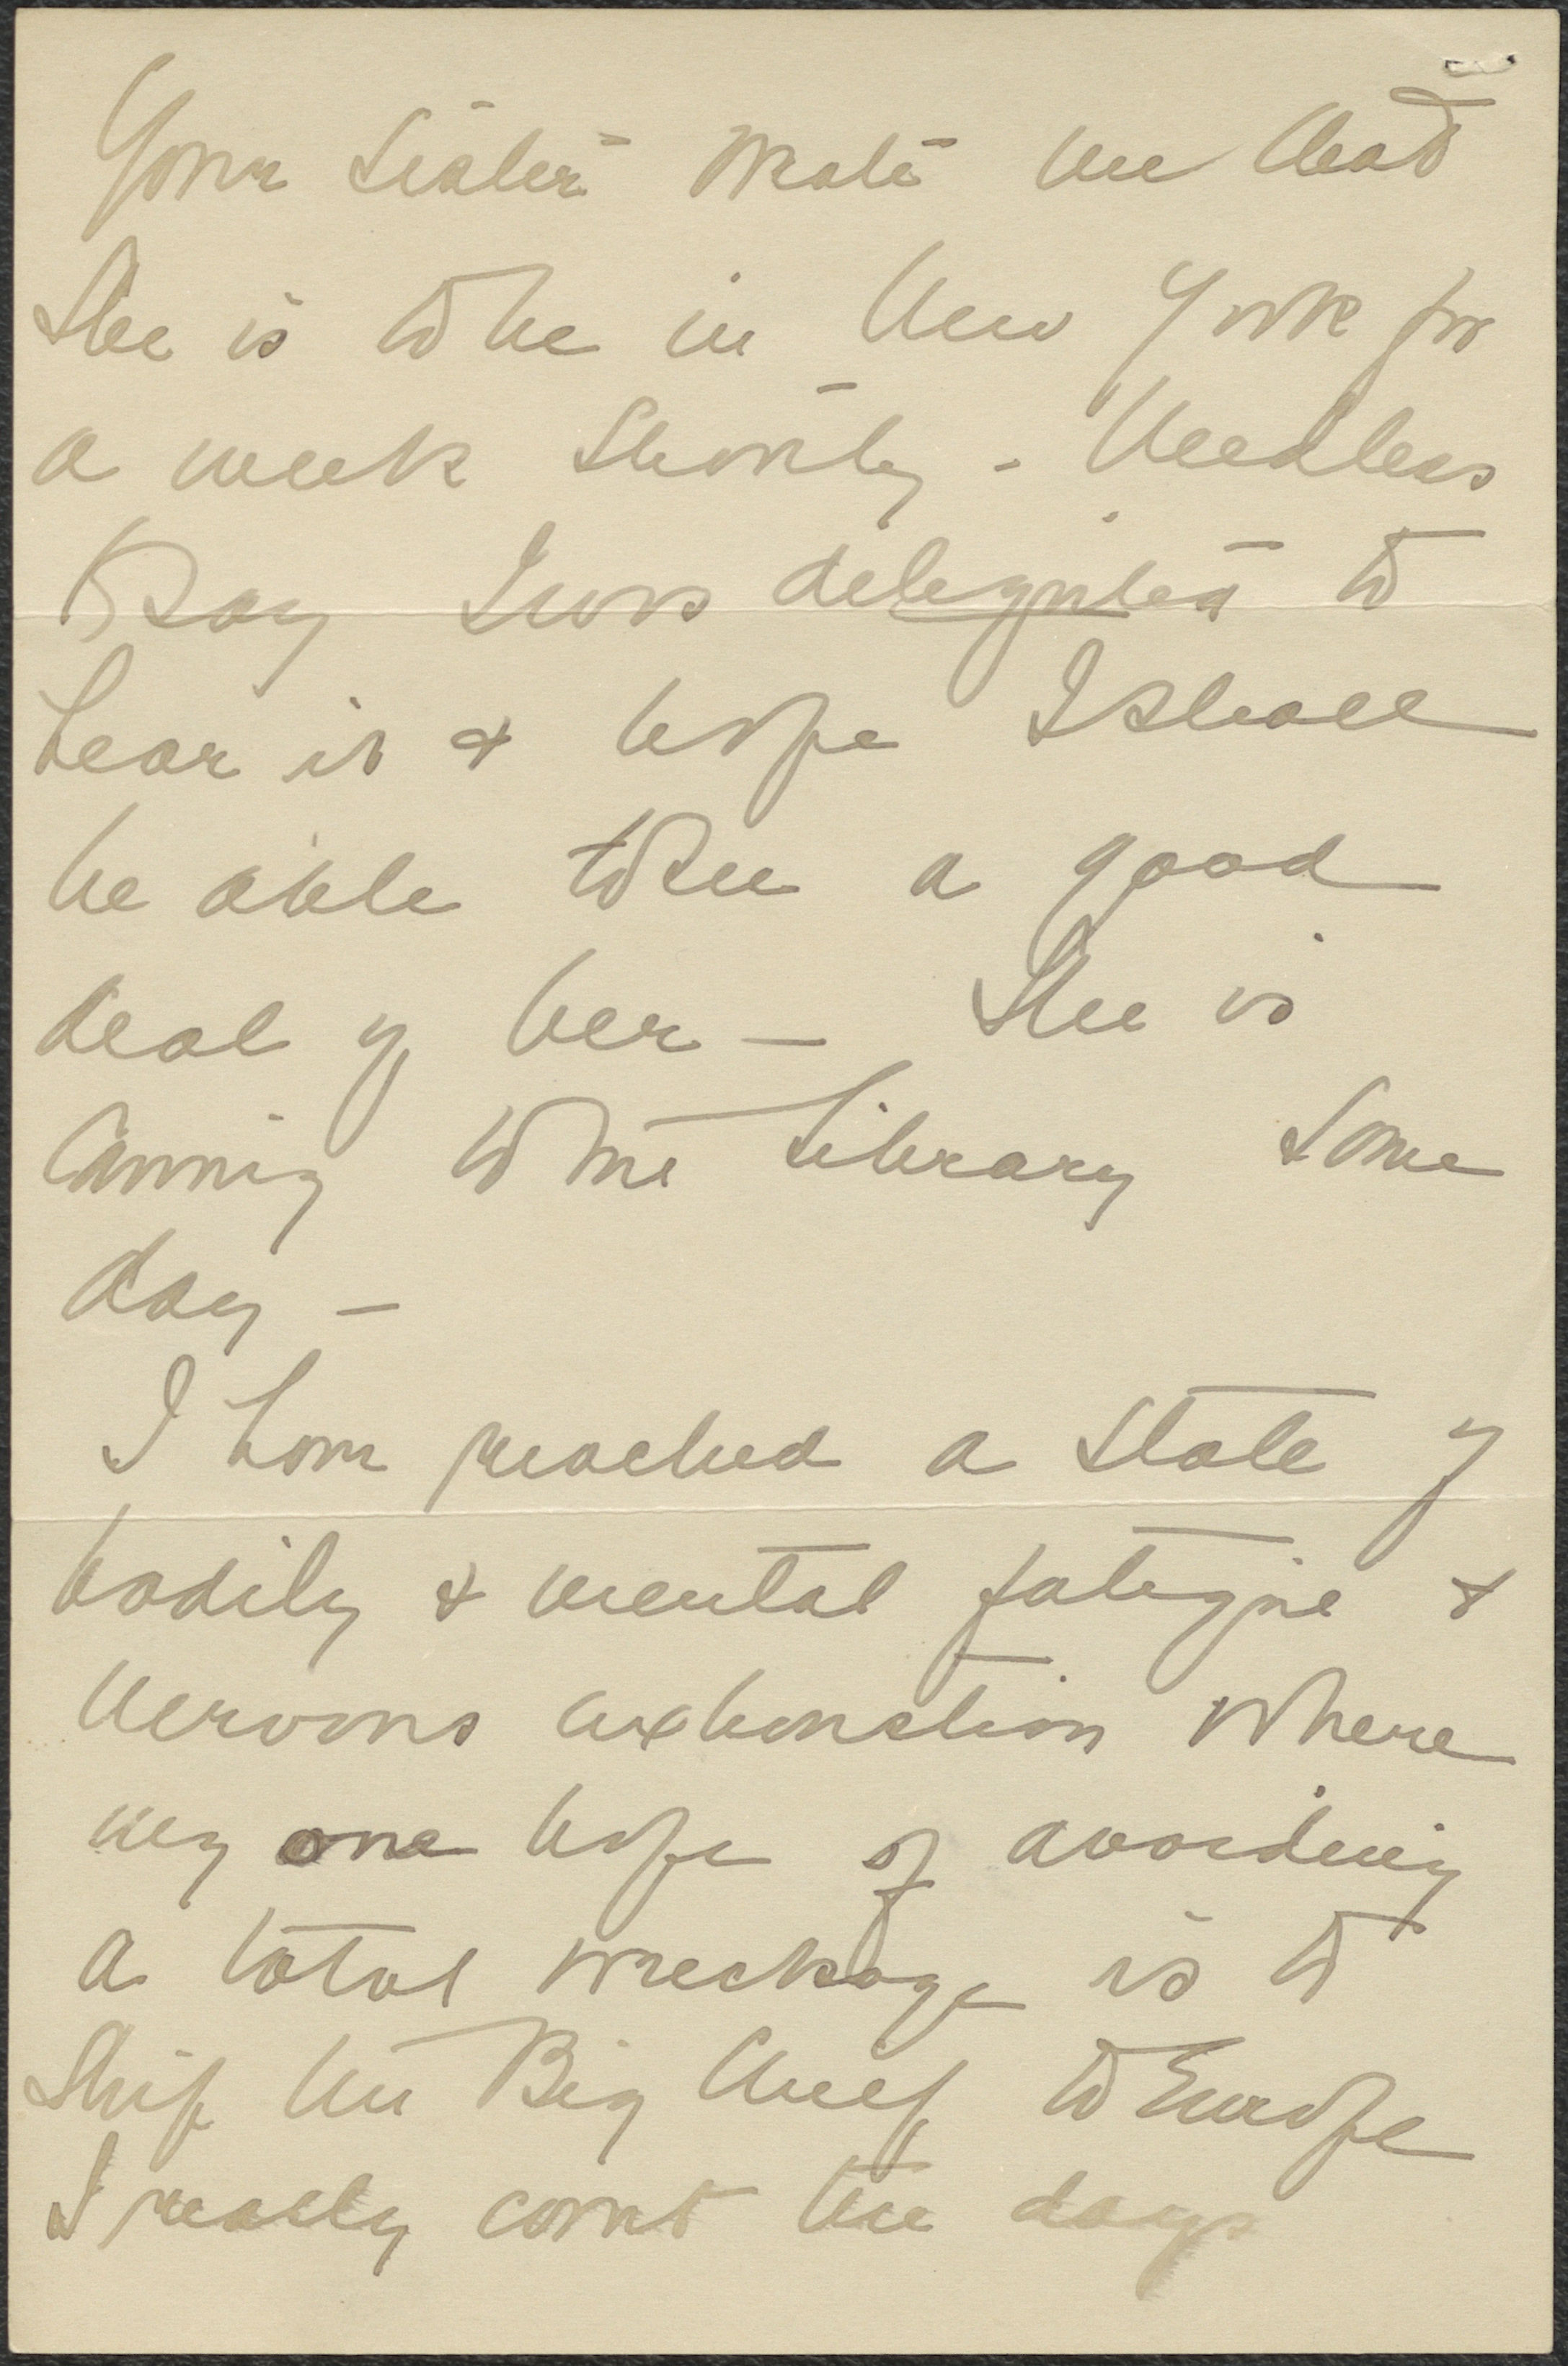Your sister wrote me that she is to be in New York for a week shortly – Needless to say I was delighted to hear it & hope I shall be able to see a good deal of her – She is coming to the Library some day –
I have reached a state of bodily & mental fatigue & nervous exhaustion where my one hope of avoiding a total wreckage is to ship the Big Chief to Europe
I really count the days